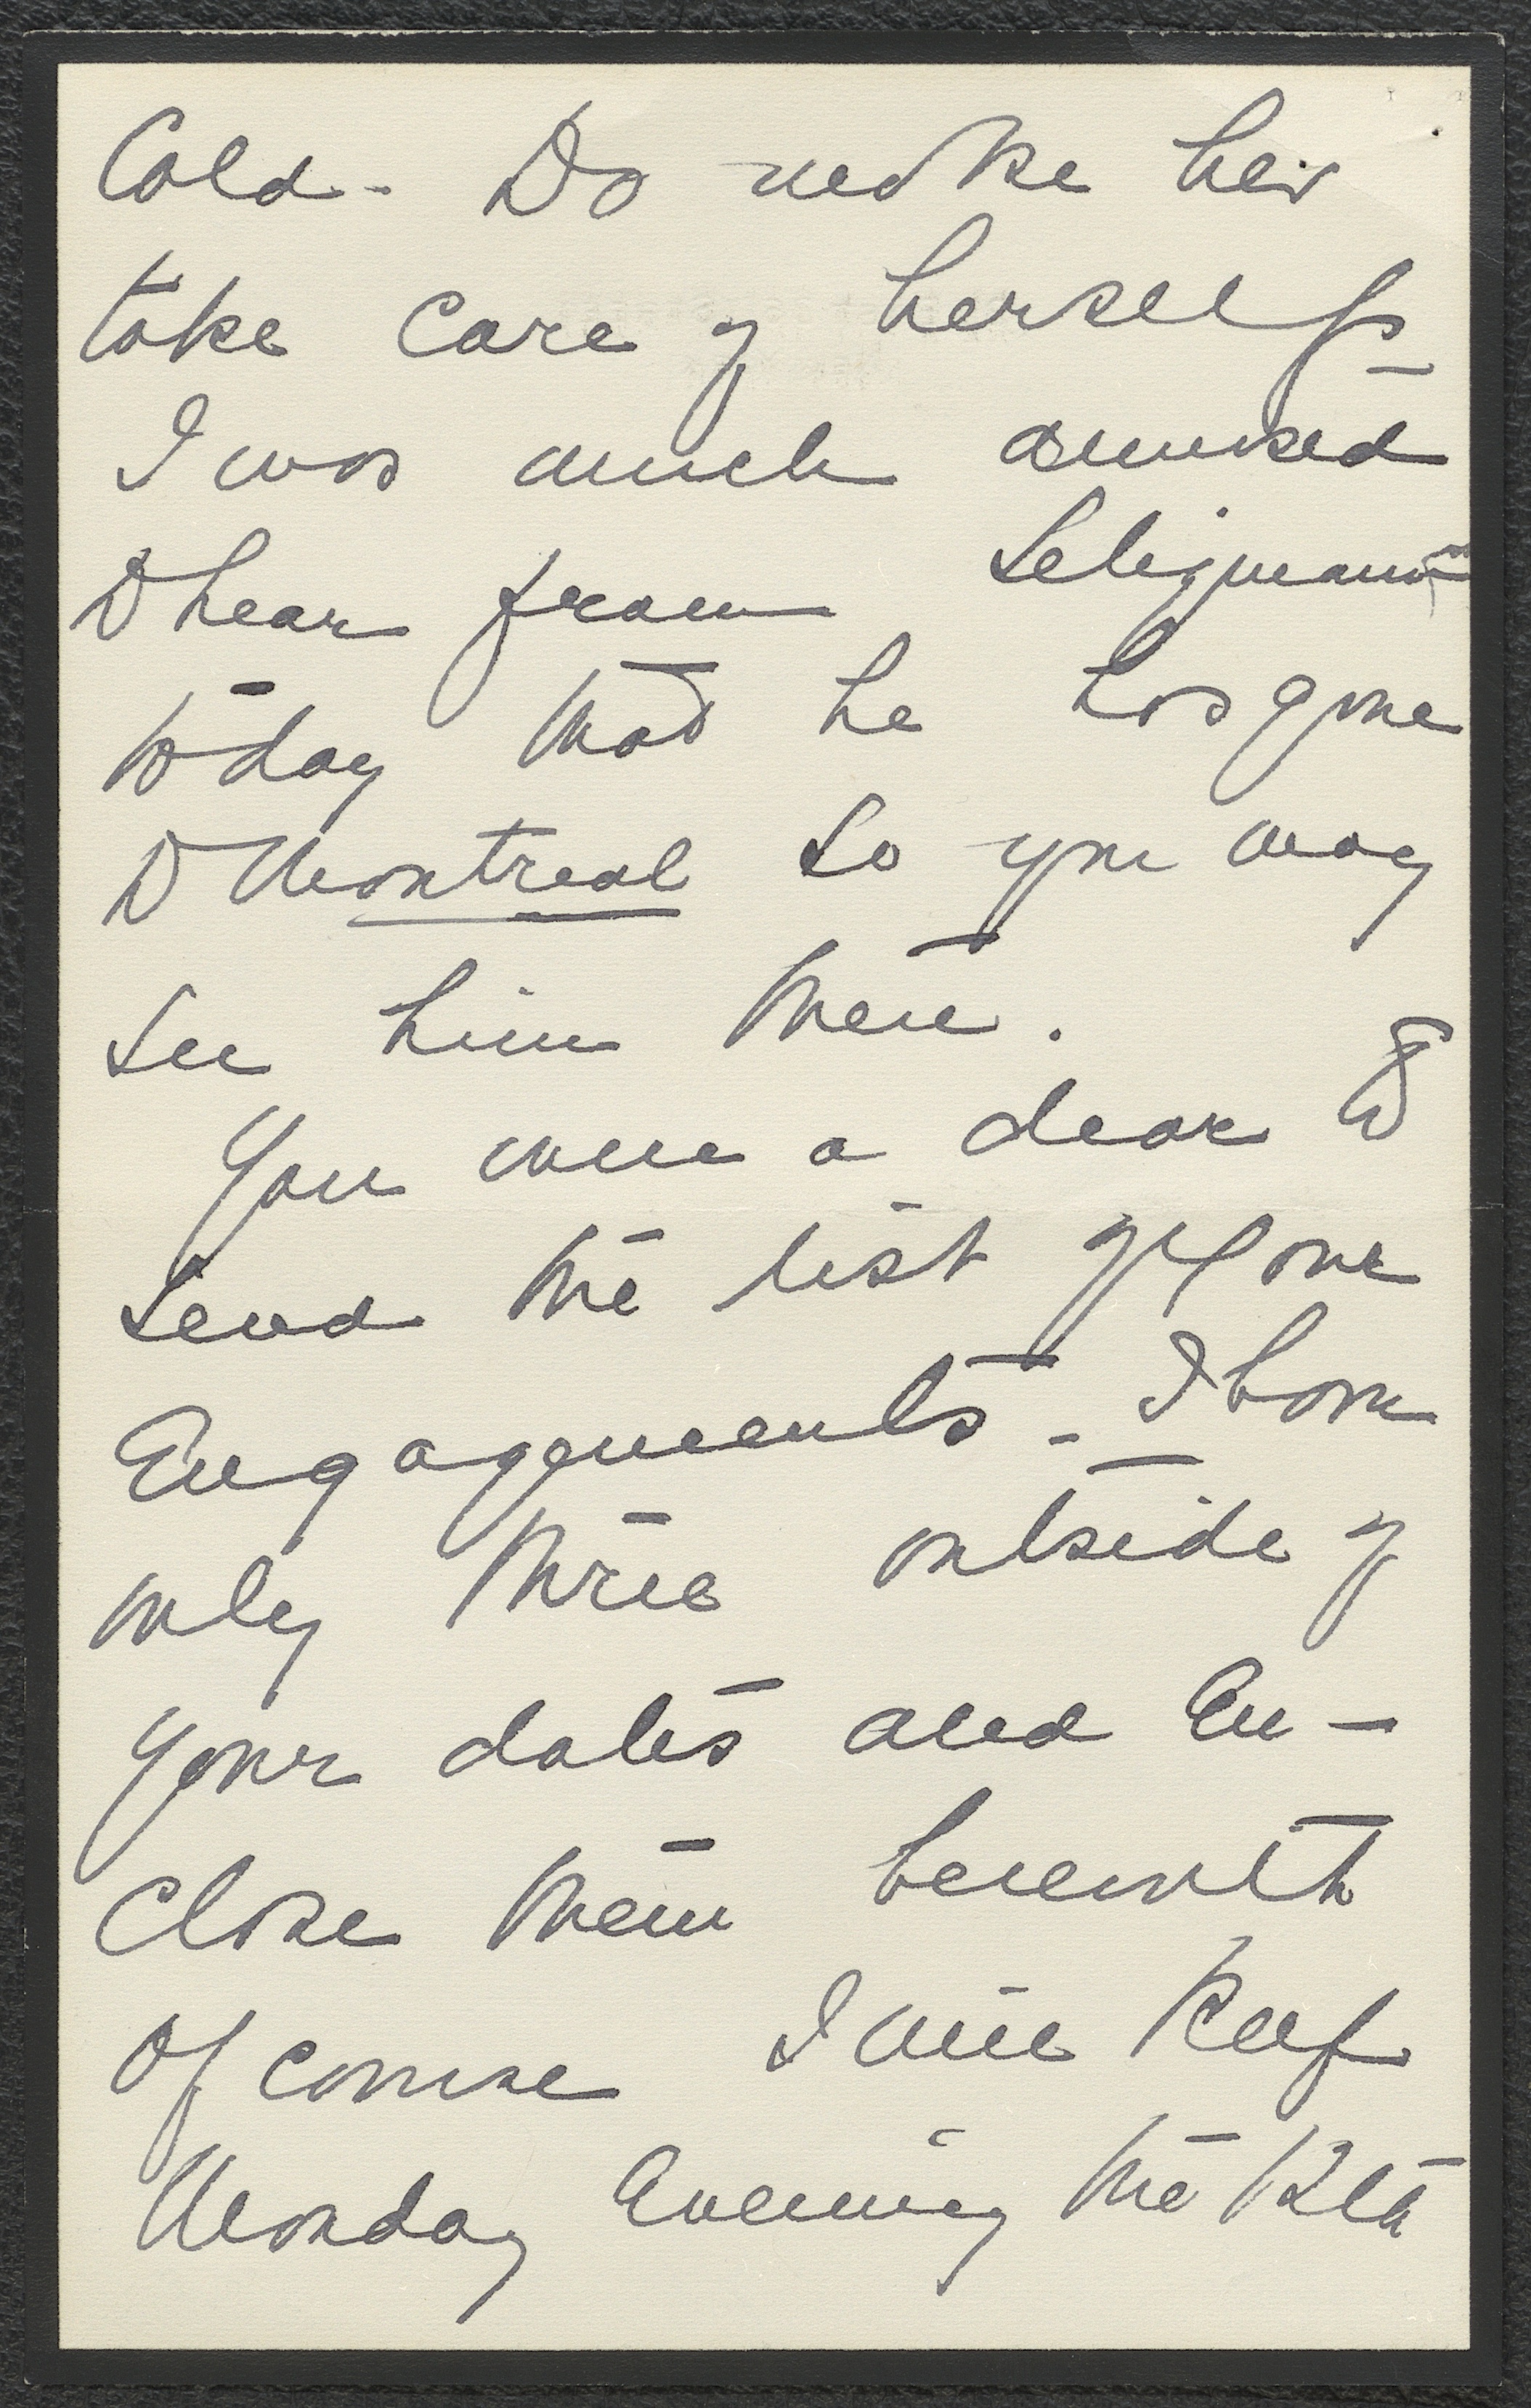cold. Do make her take care of herself
I was much amused to hear from Seligmann today that he has gone to Montreal so you may see him there.
You were a dear to send the list of your Engagements – I have only three outside of your dates and enclose them beneath of course I will keep Monday Evening the 12th